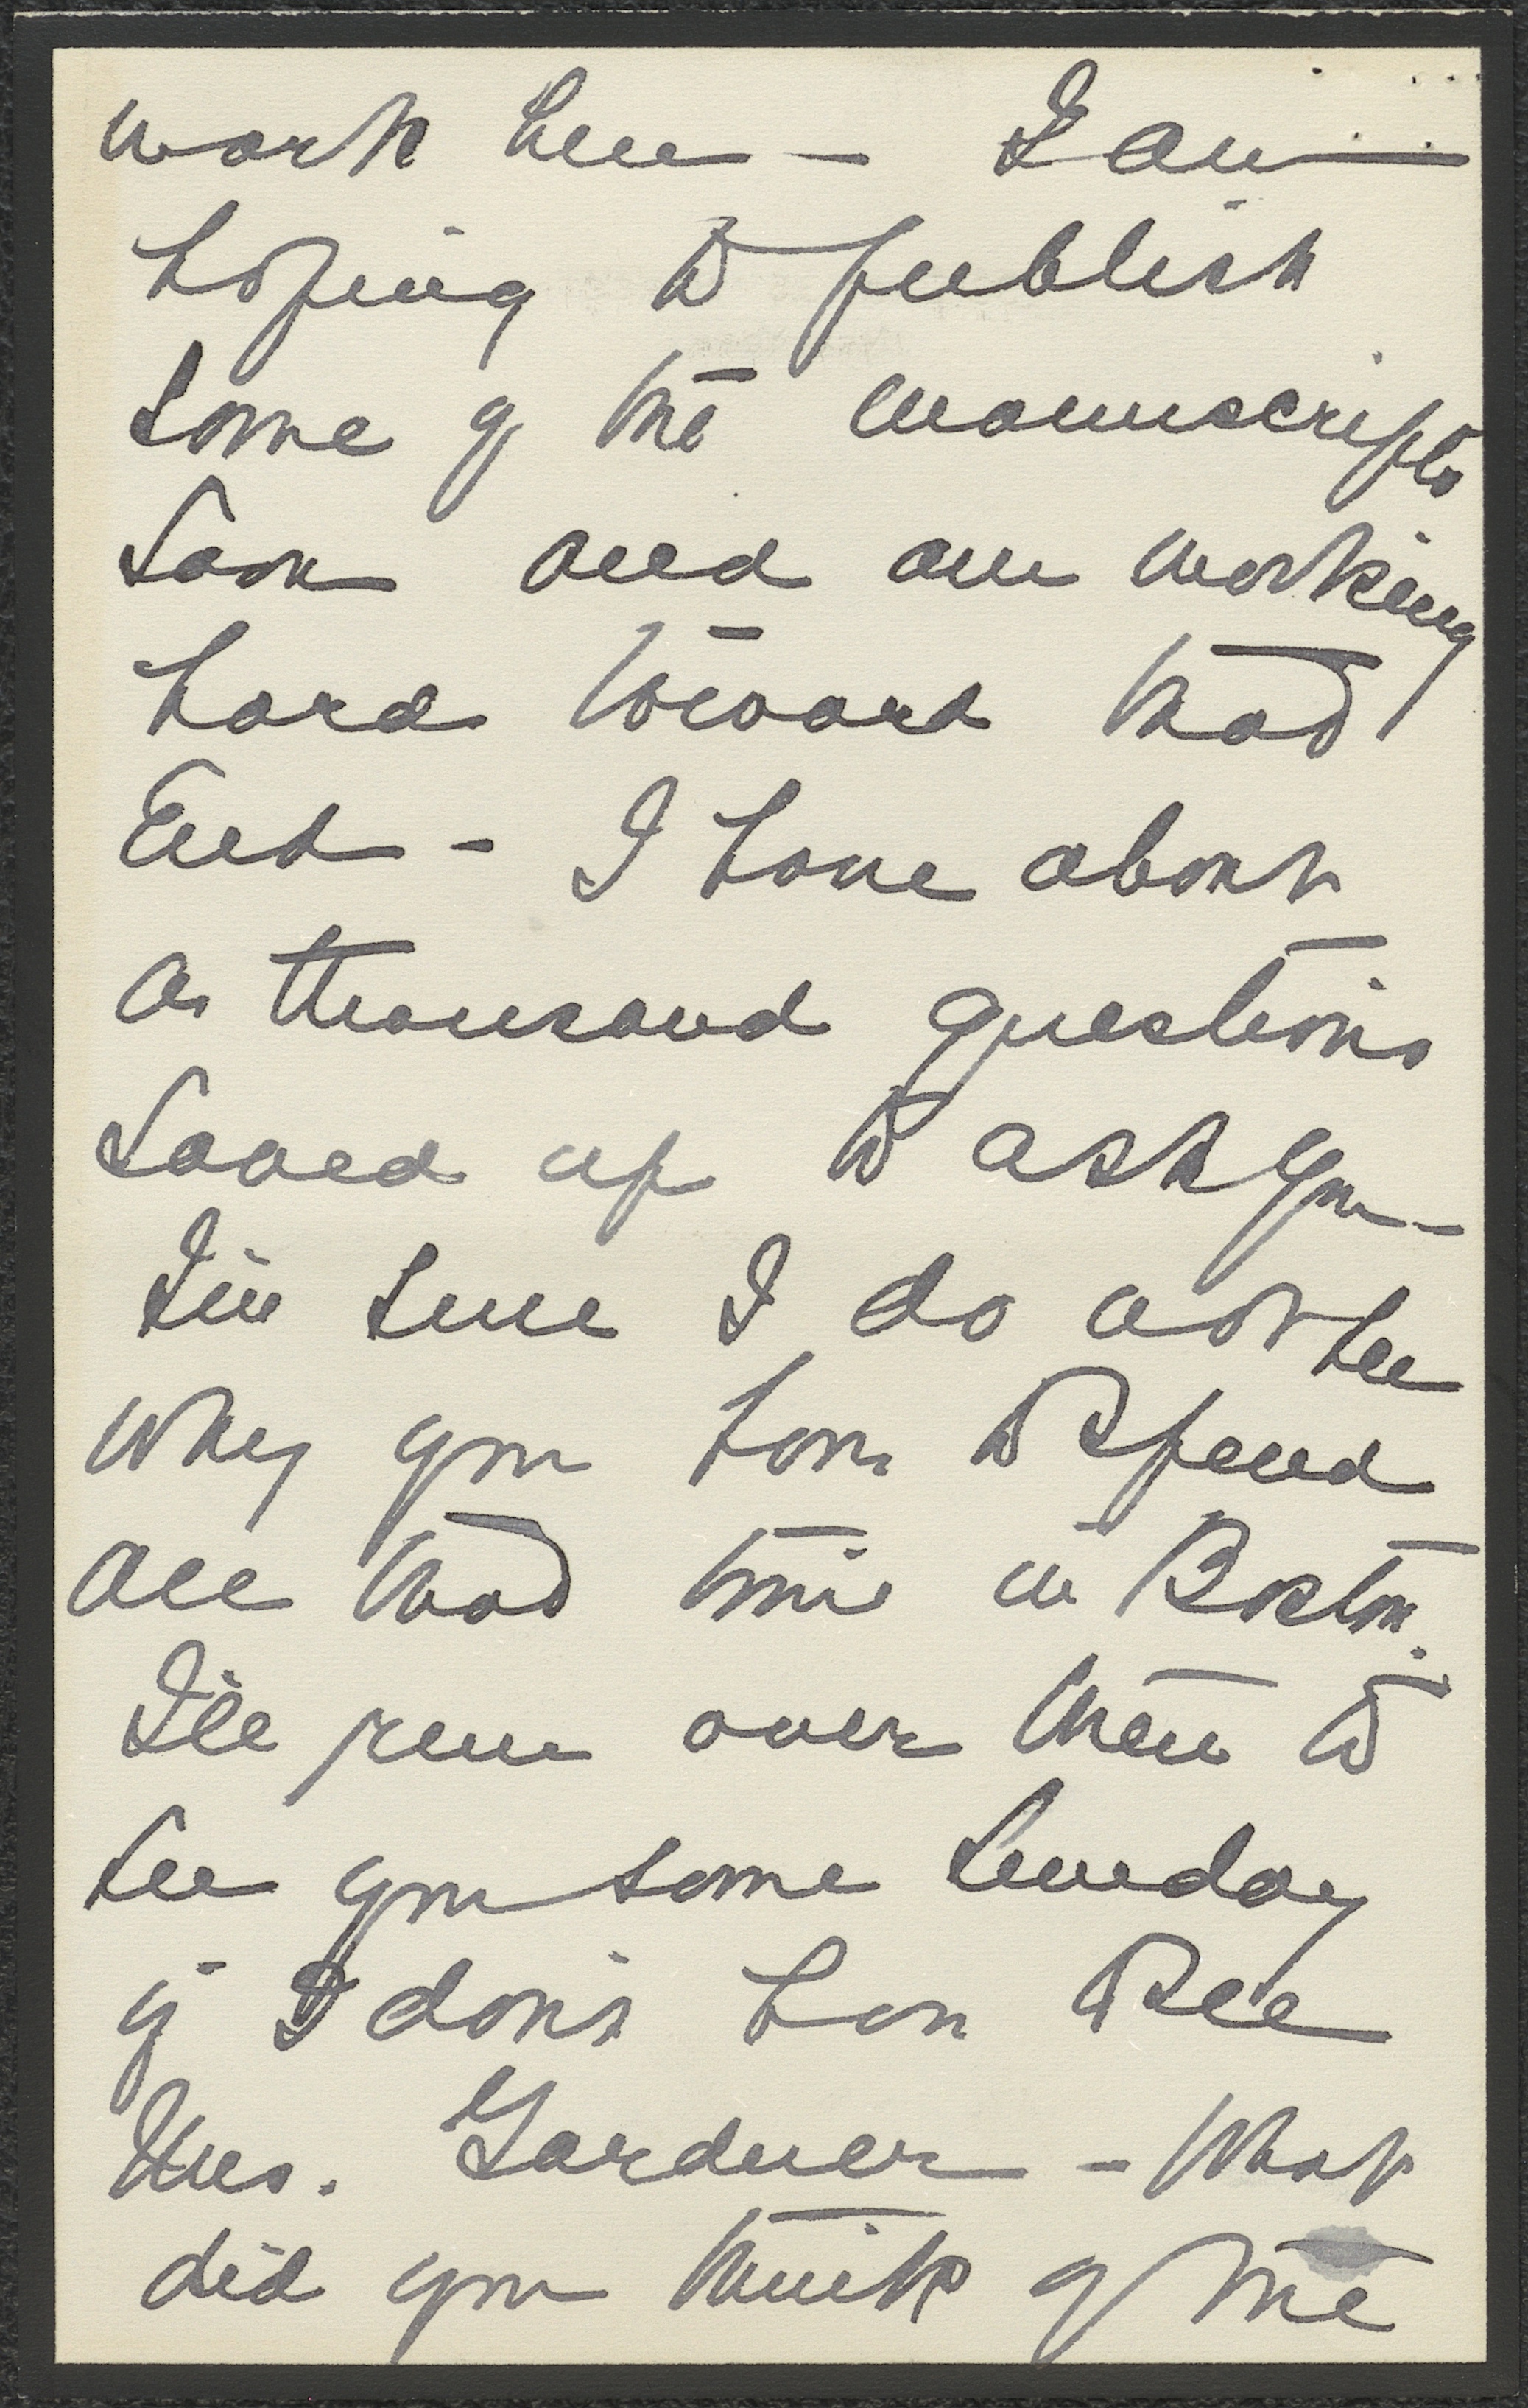work here – I am hoping to publish some of the manuscripts soon and am working hard toward that end – I have about a thousand questions saved up to ask you –
I’m sure I do not see why you have to spend all that time in Boston.
I’ll run over there to see you some Sunday if I don’t have to see Mrs. Gardner – What did you think of the